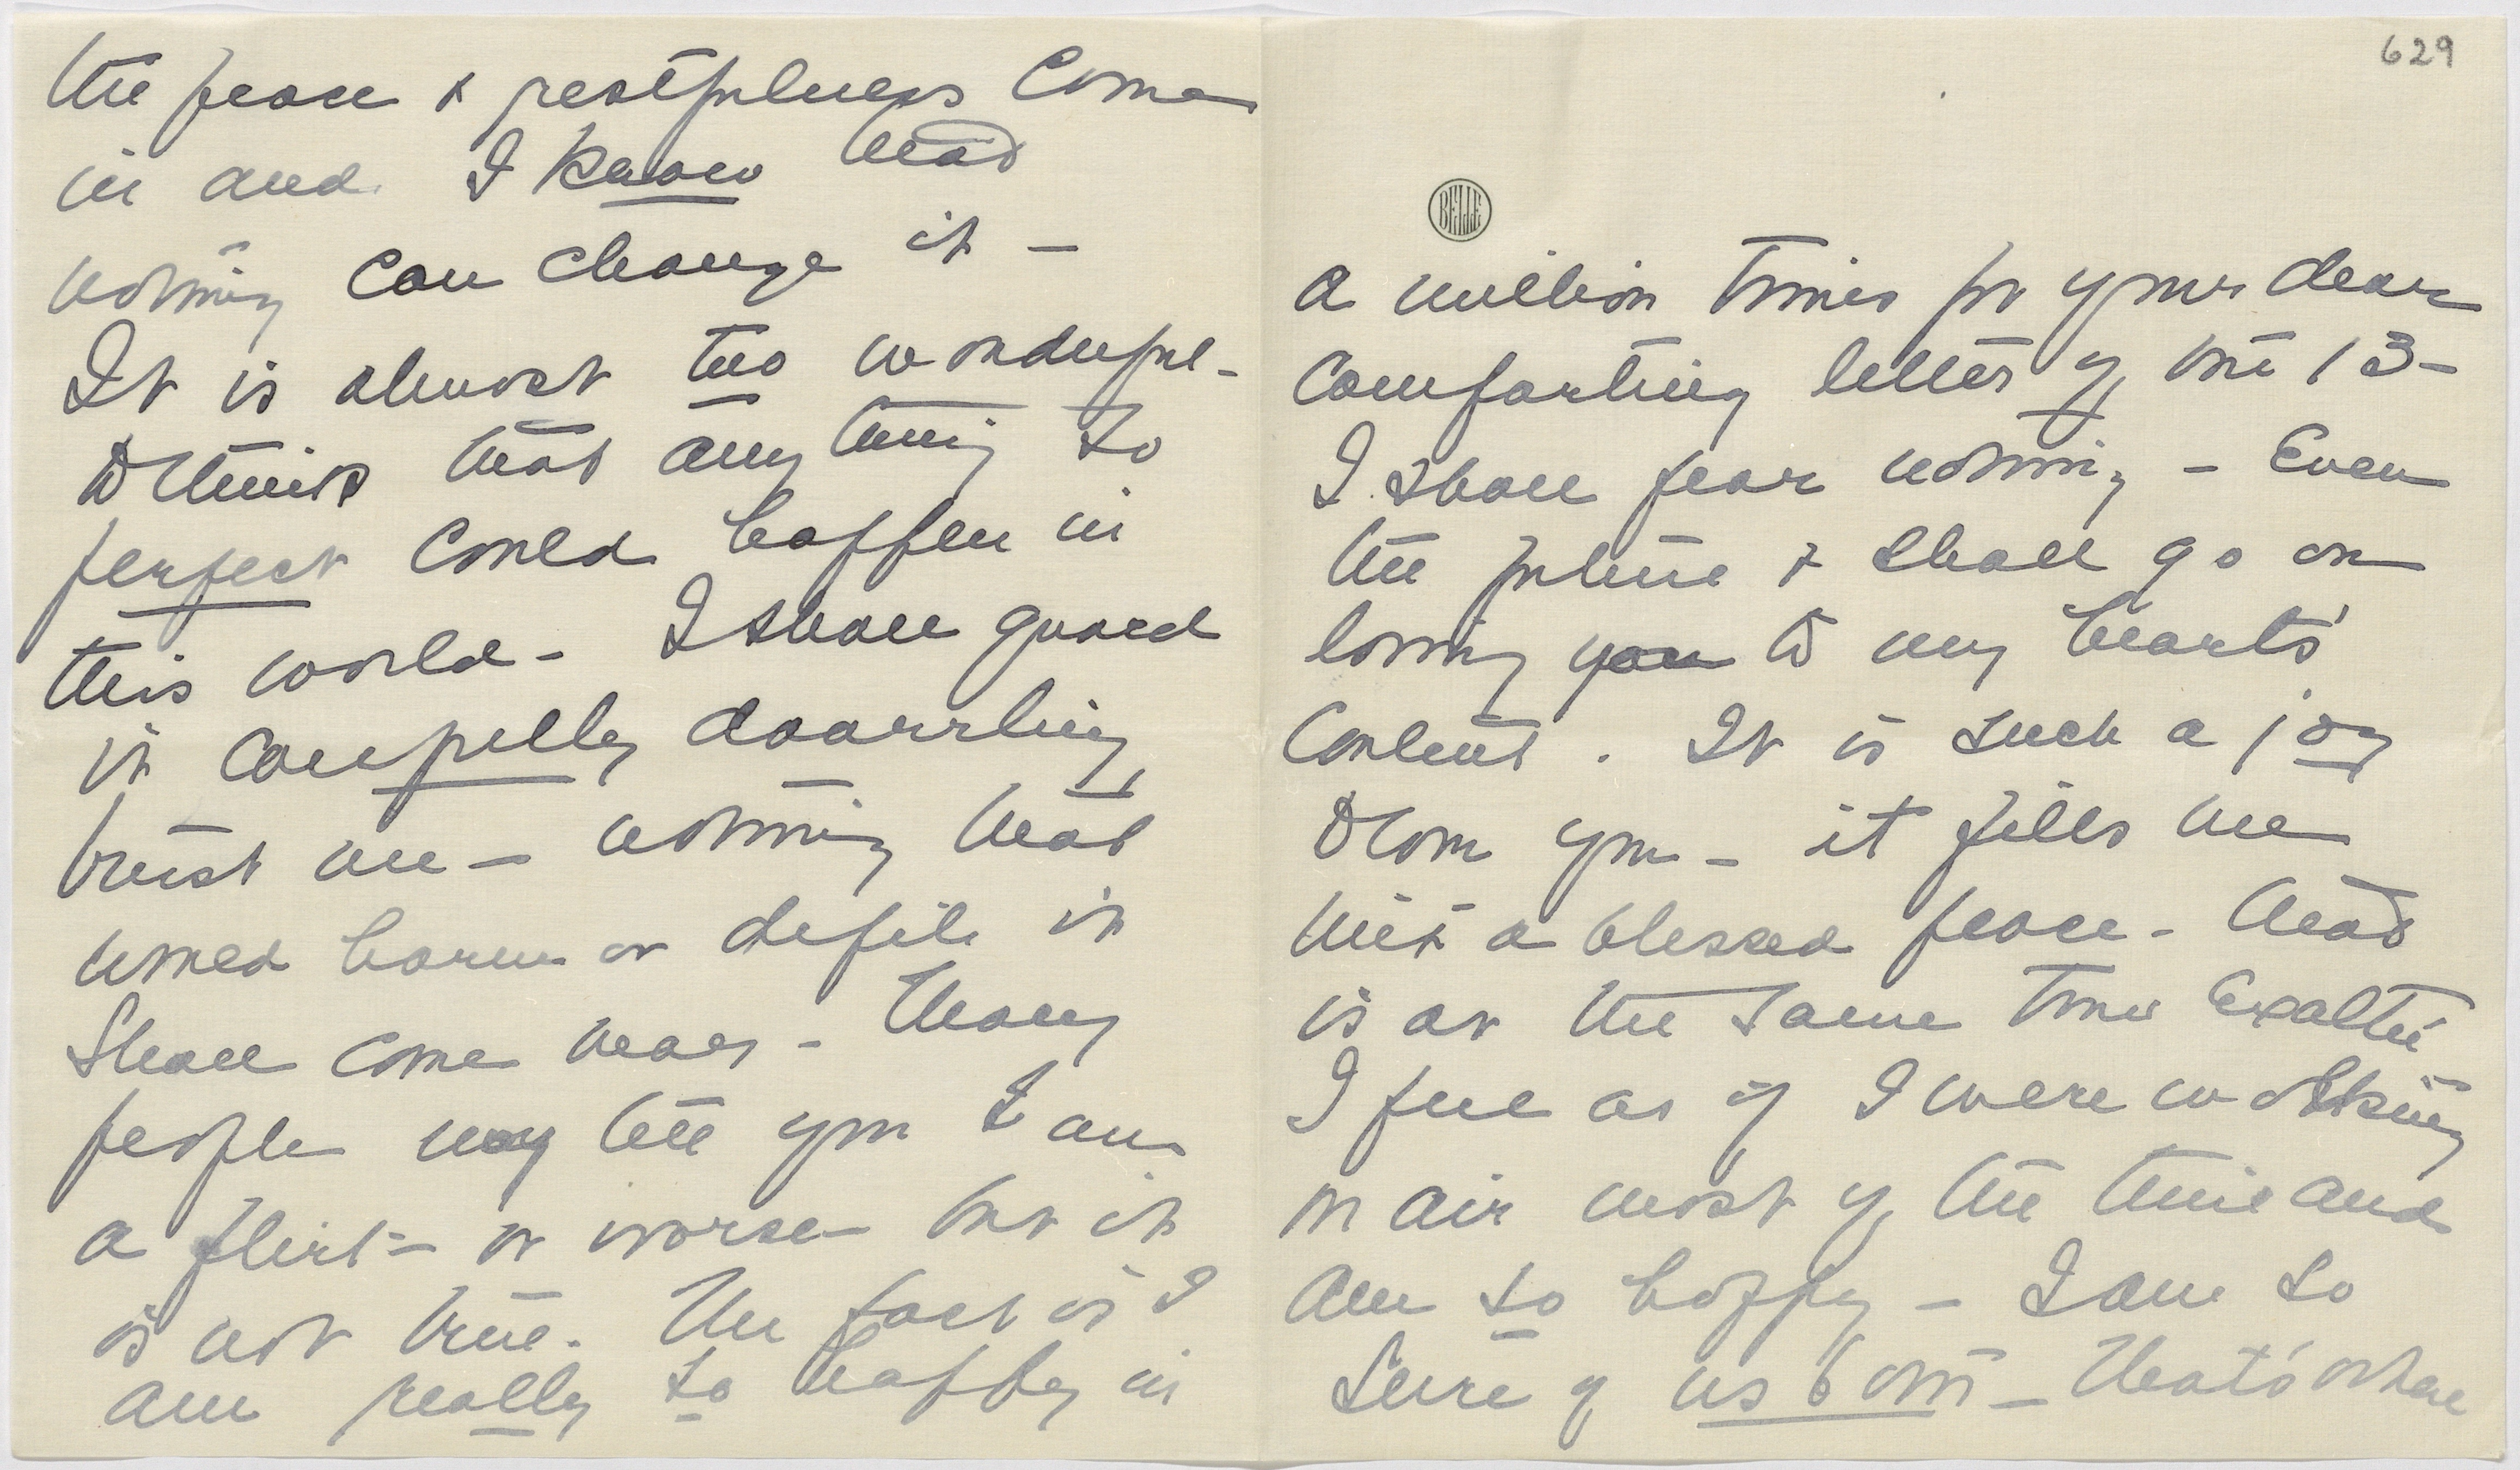a million times for your dear comforting letter of the 13 – I shall fear nothing – Even the future & shall go on loving you to my heart’s content. It is such a joy to love you – it fills me with a blessed peace – that is at the same time exaltée – I feel as if I were walking on air most of the time and am so happy – I am so sure of us both – That’s where
the peace & restfulness come in and I know that nothing can change it –
It is almost too wonderful to think that any thing so perfect could happen in this world – I shall guard it carefully daarrling, trust me – nothing that would harm or defile it shall come near – Many people may tell you I am a flirt – or worse – but it is not true. The fact is I am really so happy in